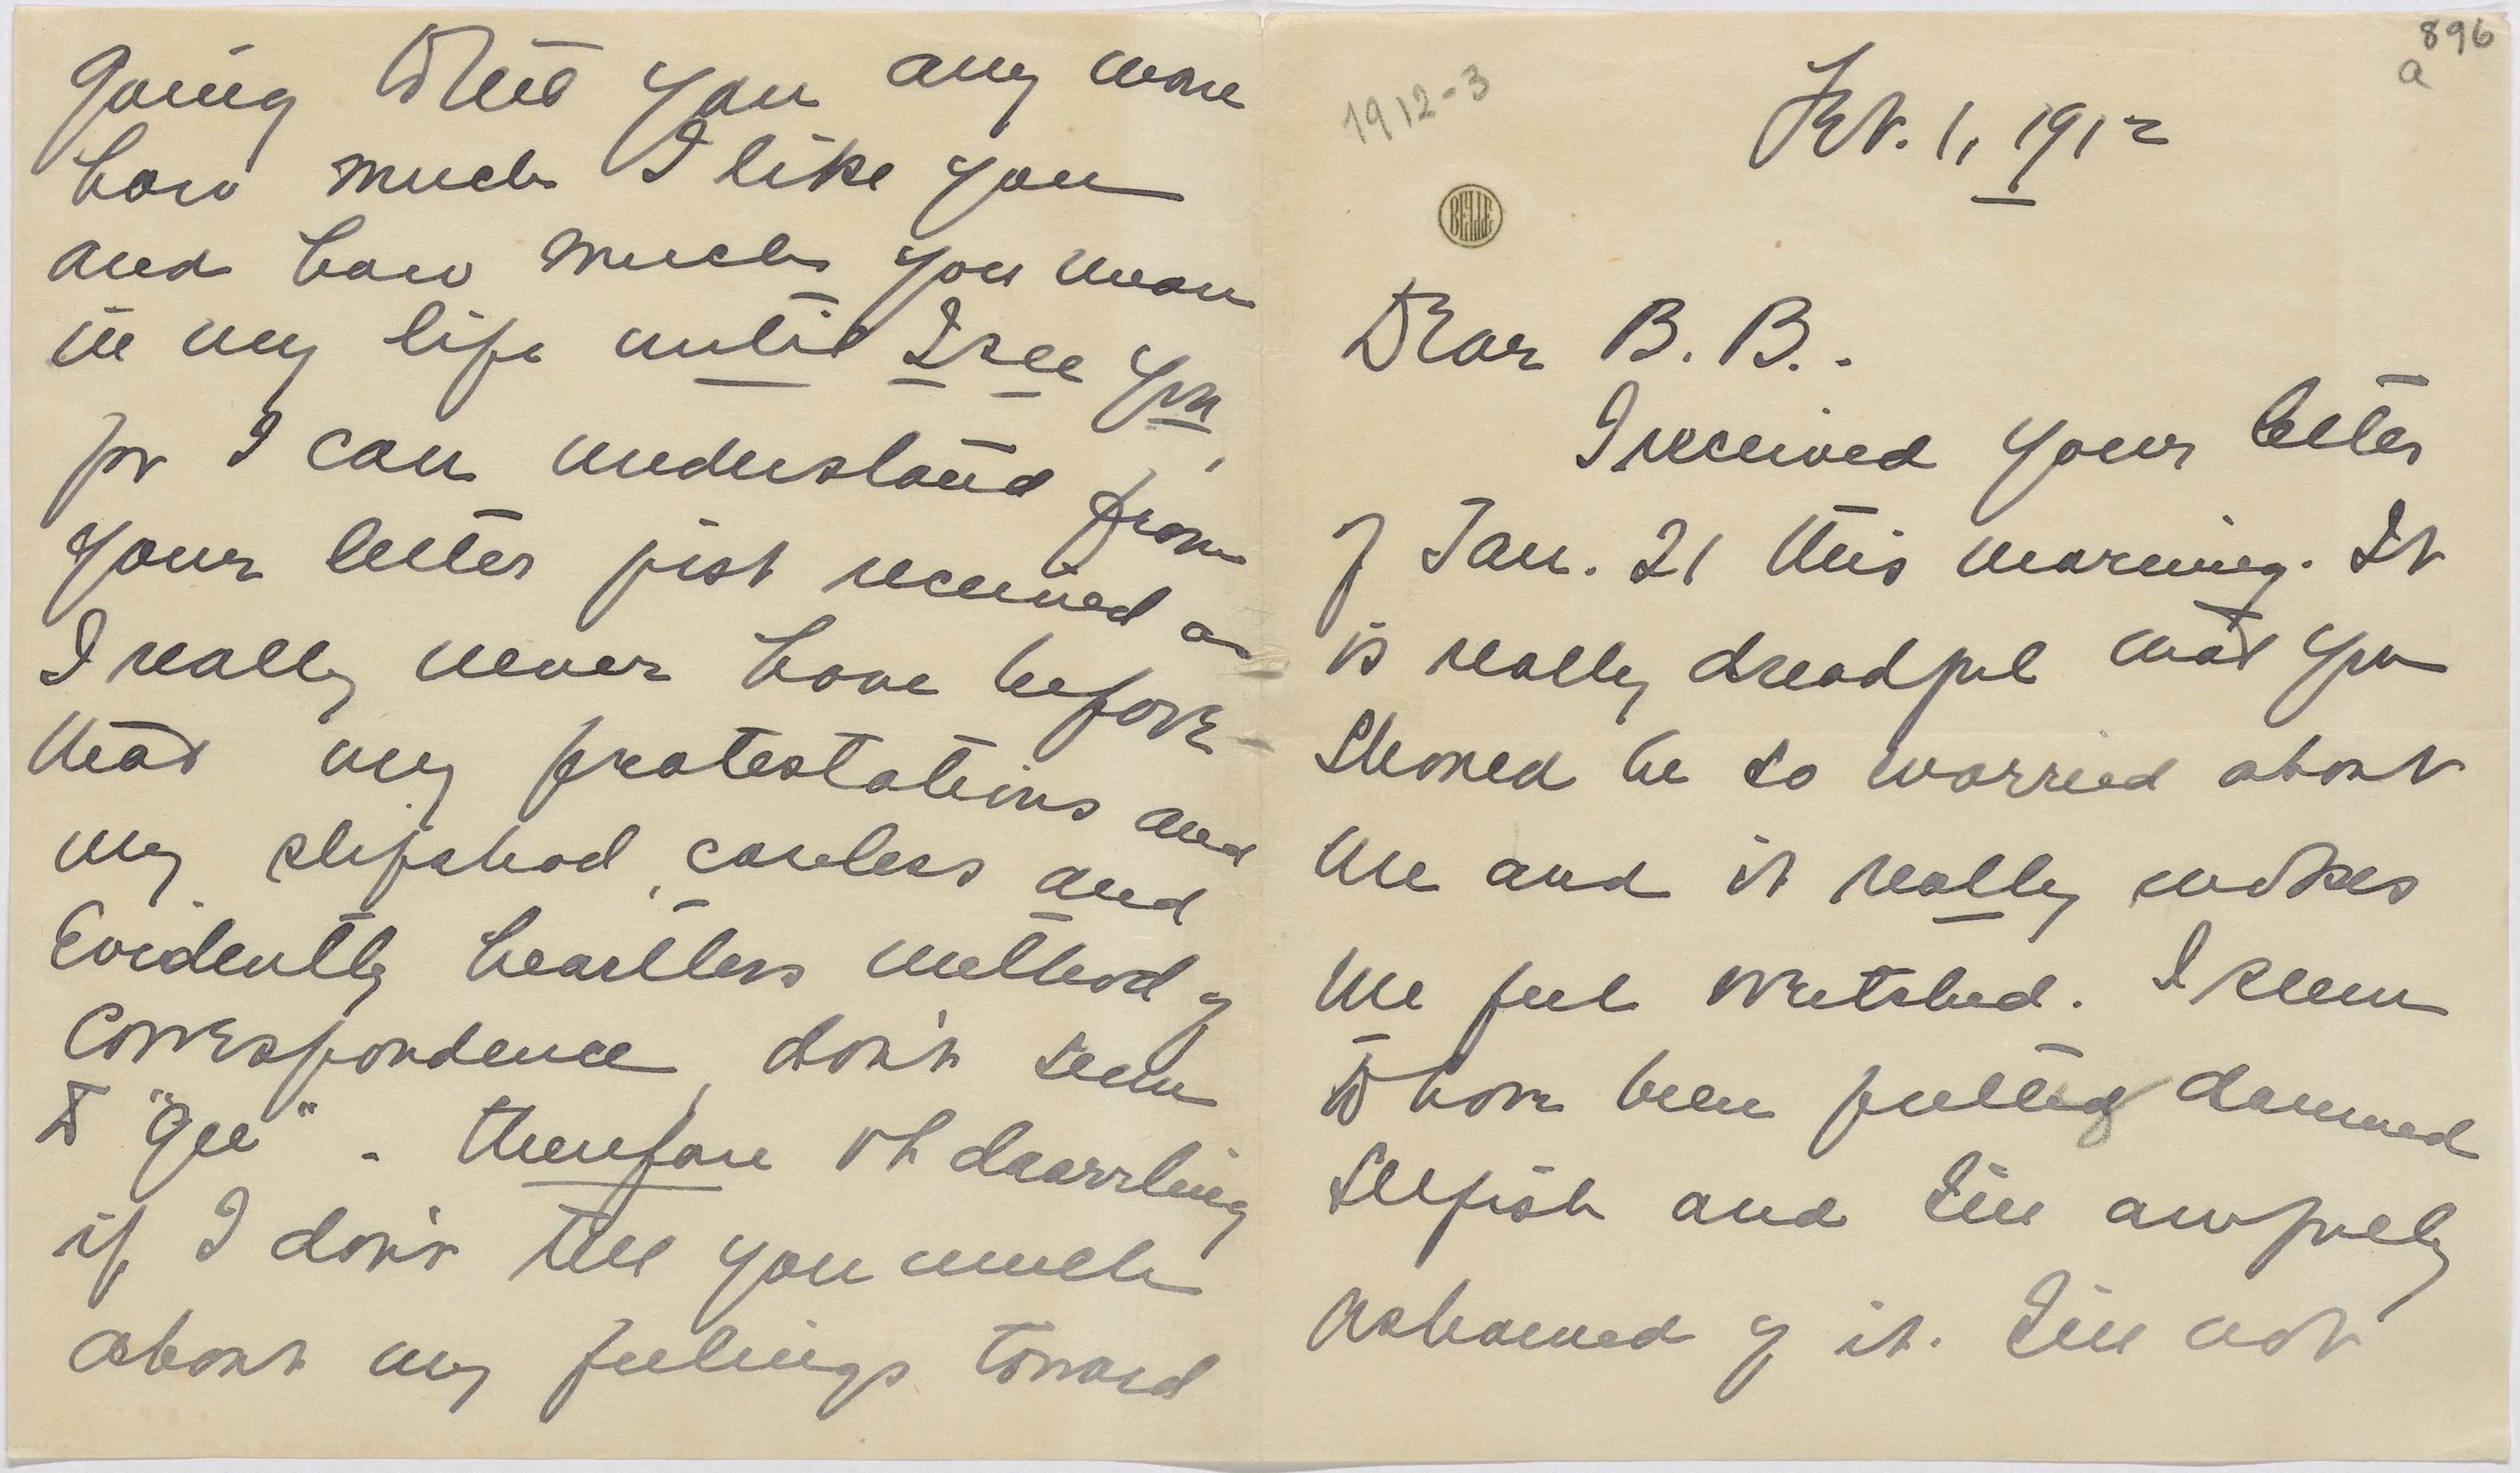Feb. 1, 1912
Dear B.B. –
I received your letter of Jan. 21 this morning. It is really dreadful that you should be so worried about me and it really makes me feel wretched. I seem to have been pretty damned selfish and I’m awfully ashamed of it. I’m not
going to tell you any more how much I like you and how much you mean in my life until I see You, for I can understand from your letter just received as I really never have before that my protestations and my slipshod, careless and evidently heartless method of correspondence don’t seem to “gel” – therefore oh daarrling [sic] if I don’t tell you much about my feelings toward